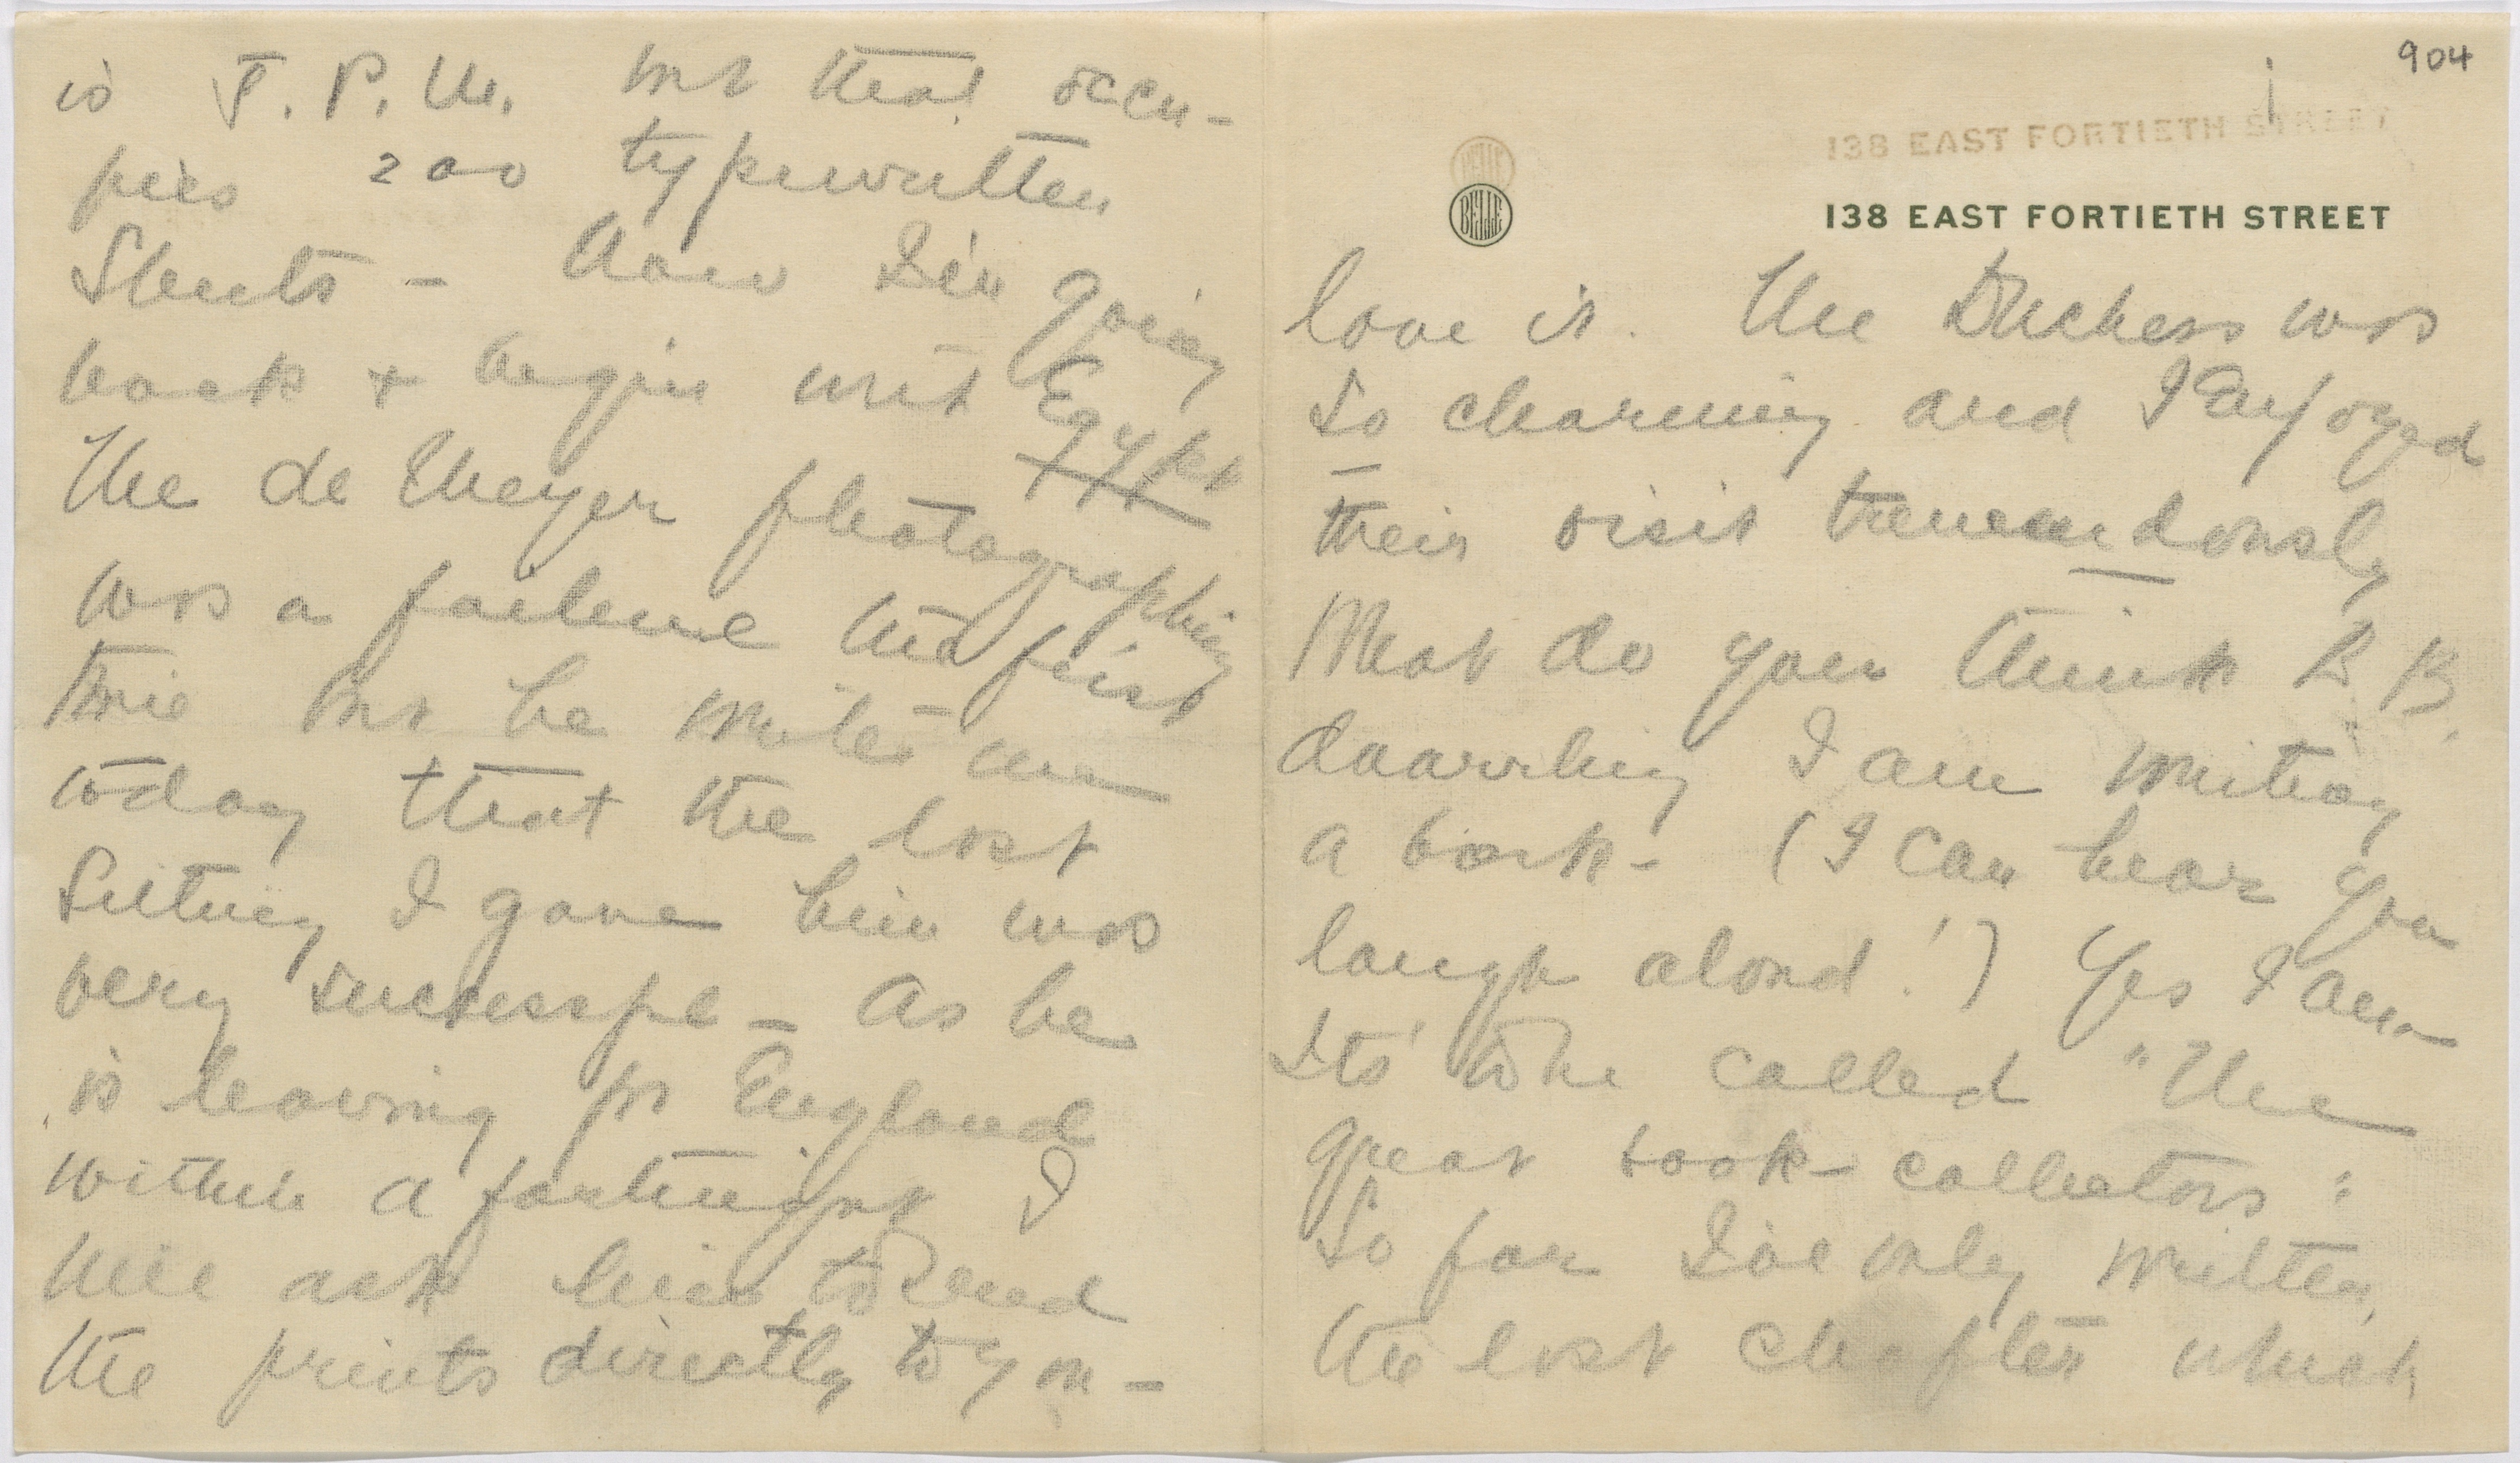love it. The Duchess was so charming and I enjoyed their visit tremendously
What do you think B.B. daarrling [sic] I am writing a book! (I can hear you laugh aloud!) Yes I am It’s to be called “The great book-collectors” So far I’ve only written the last chapter which
is J.P.M. but that occupies 200 typewritten sheets – Now I’m going back & begin with Egypt
The de Meyer photographing was a failure the first time but he writes me today that the last sitting I gave him was very successful – as he is leaving for England within a fortnight I will ask him to send the prints directly to you –